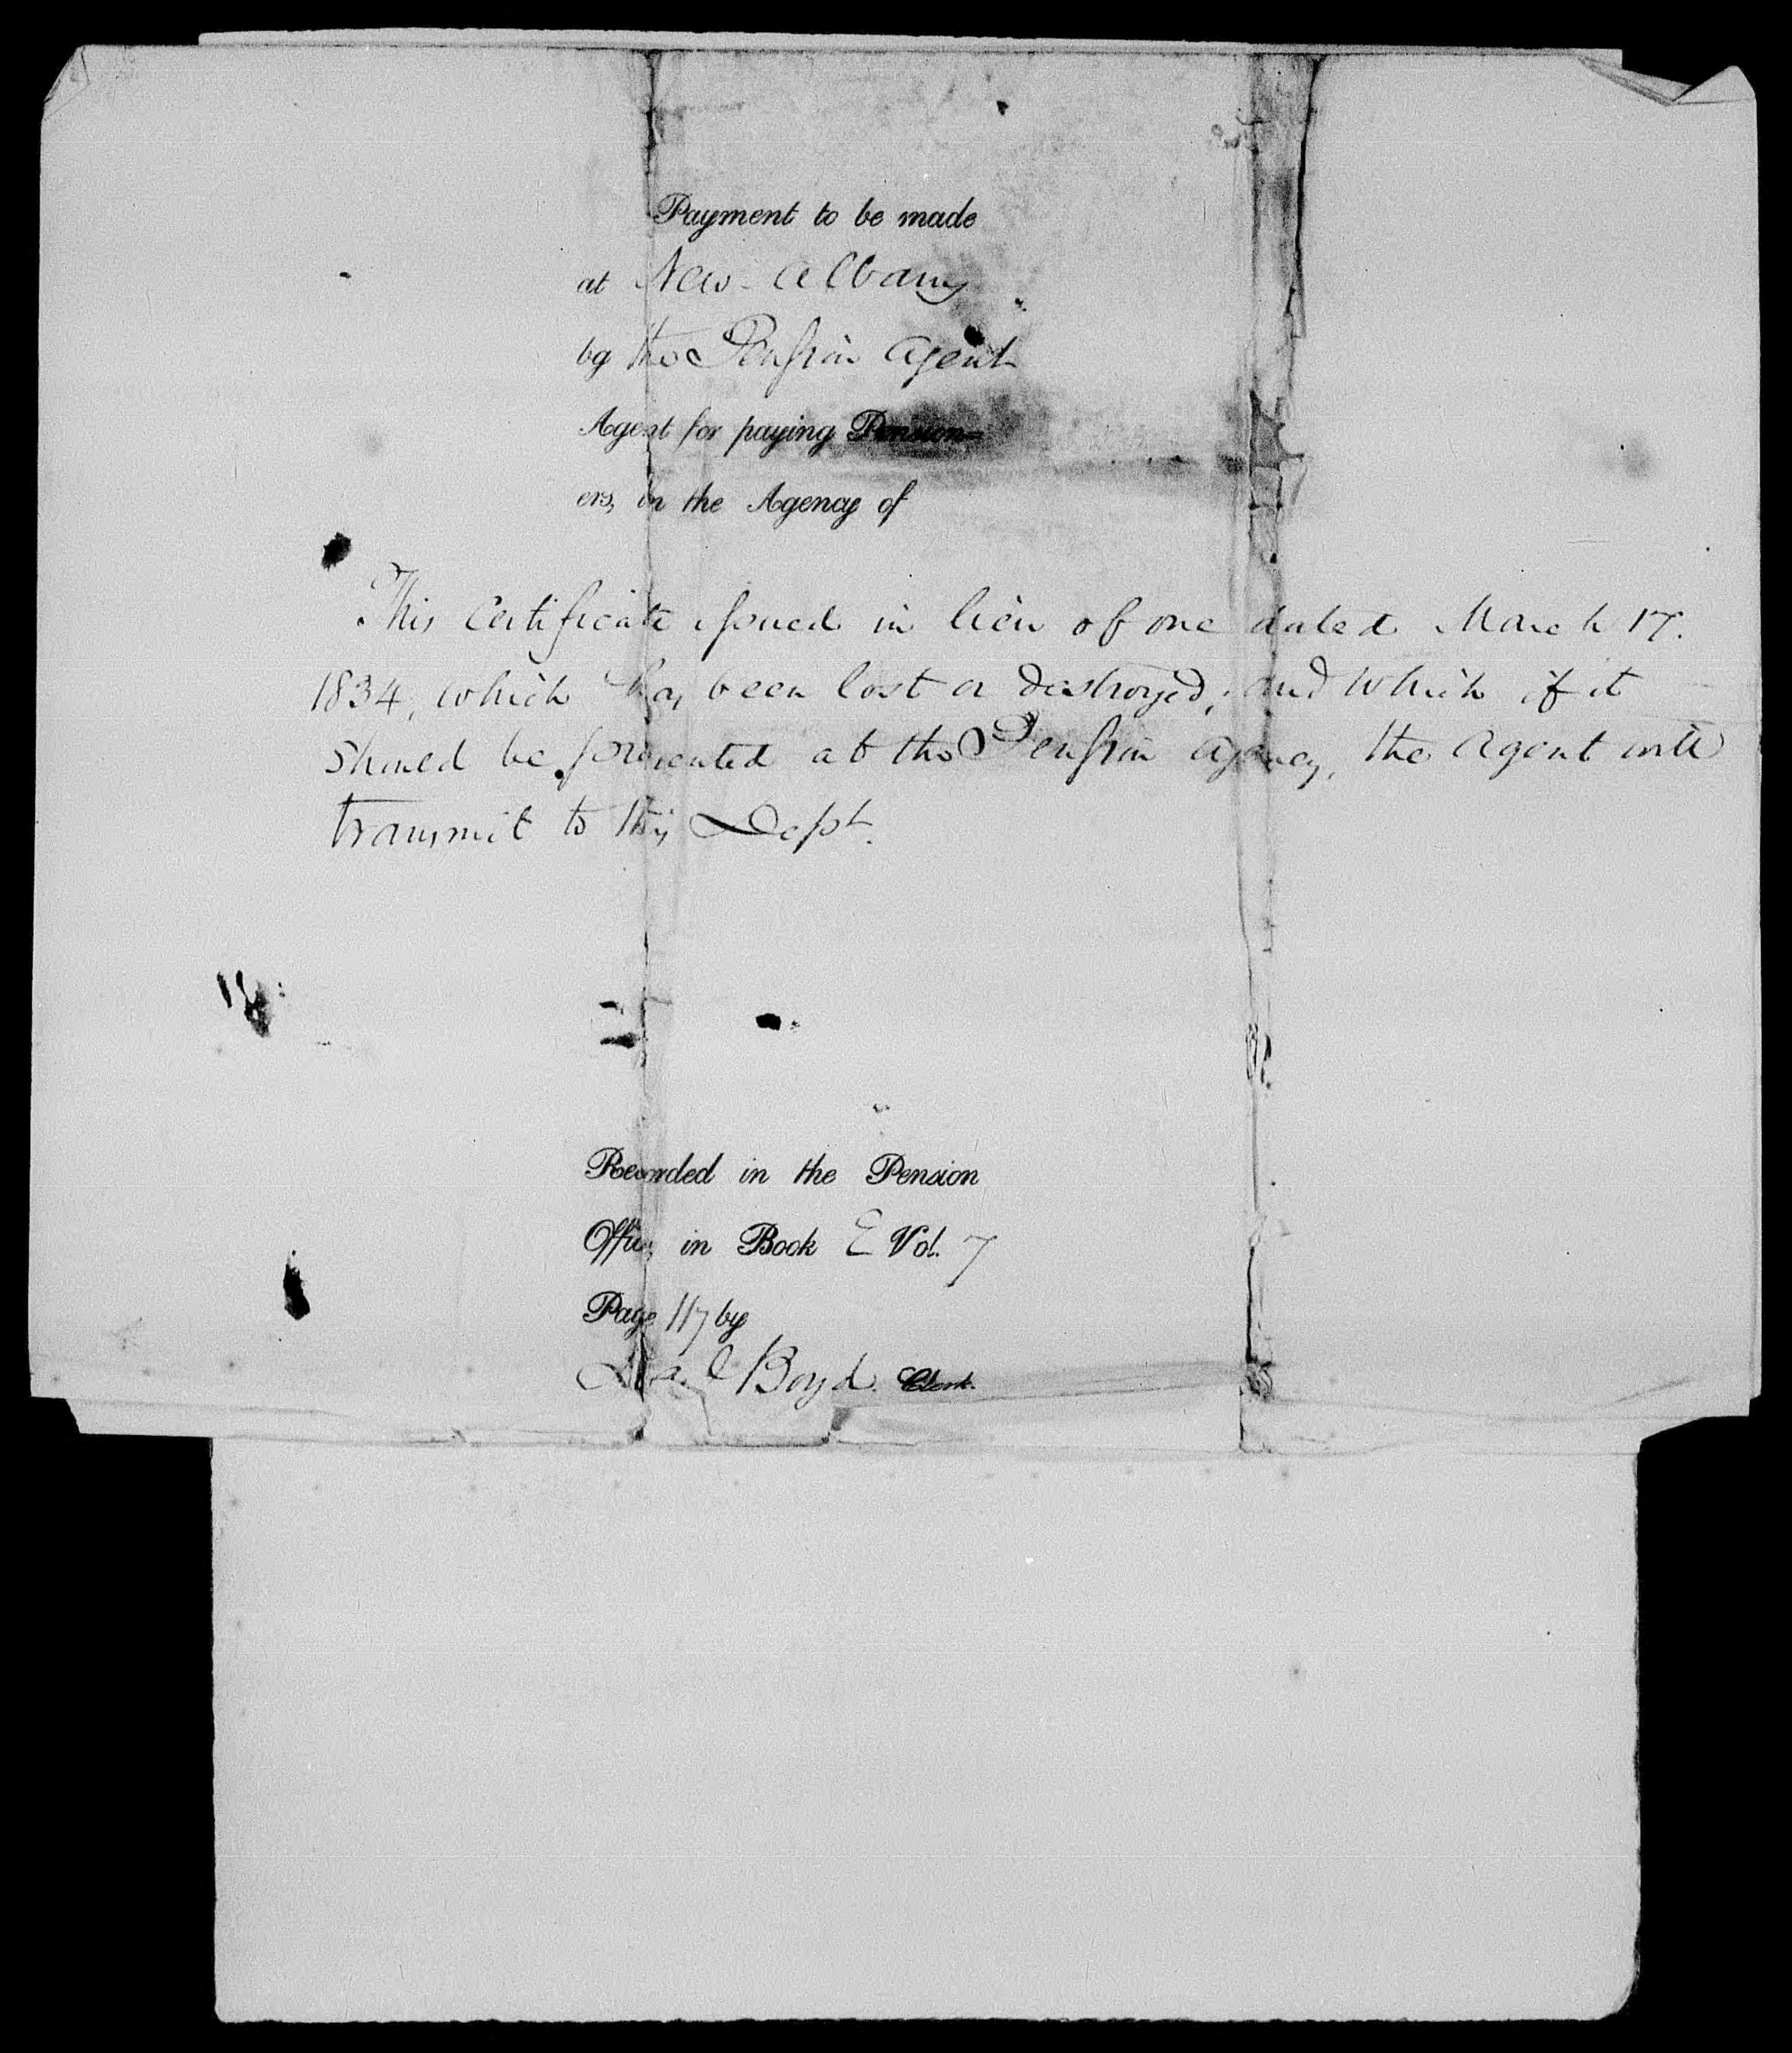Payment to be made
at New Albany
by the Pension Agent
Agent for paying Pensioners,
in the Agency of

This certificate issued in lieu of one dated March 17.
1834, which has been lost or destroyed, and which if it
should be presented at the Pension Agency, the Agent will
transmit to the Dept.

Recorded in the Pension
Office in Book E Vol 7
Page 117 by
[Illegible} Boyd.     Clerk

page: 26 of 56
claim: rejected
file: R 5529, for Samuel Jackson, Virginia